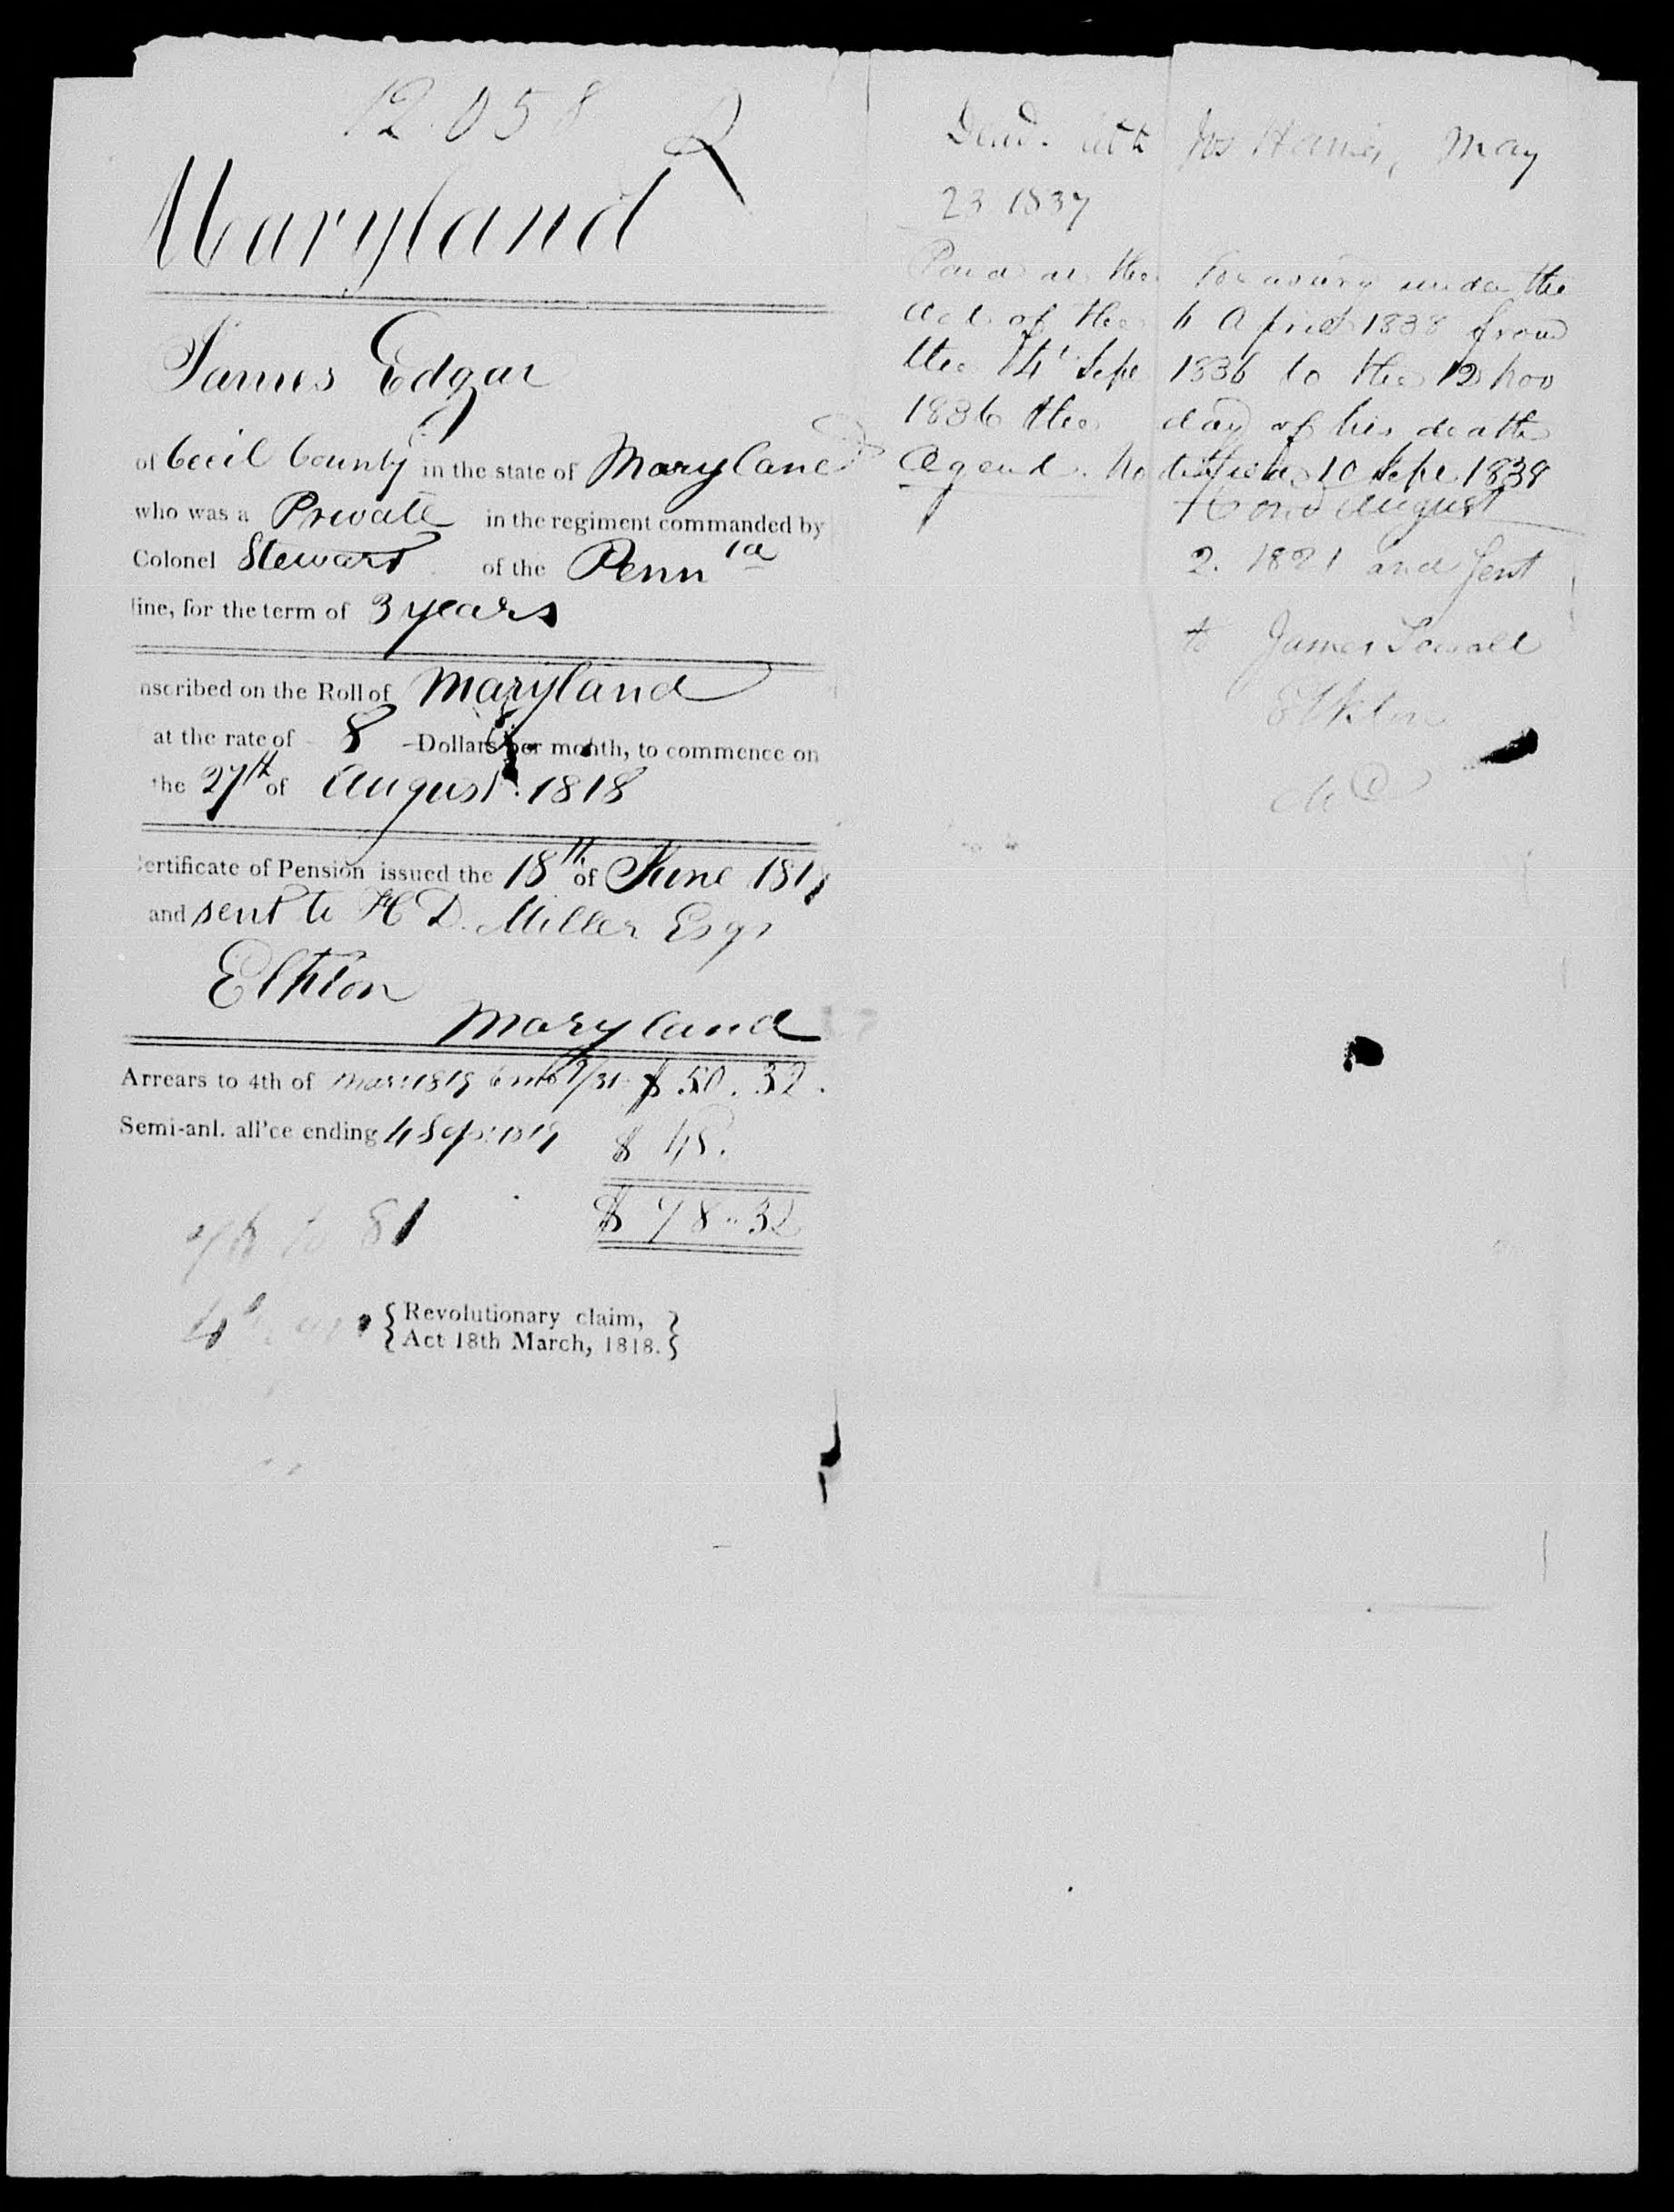12.058
Maryland
---
James Edgar
of Cecil County in the State of Maryland
who was a Private in the regiment commanded by
Colonel Stewart of the Penn 1a
line, for the term of 3 years

inscribed on the Roll of Maryland
at the rate of 8
Dollars per month, to commence on
the 27th of August 1818

Certificate of Pension issued the 18th June 1817
and sent to Mr D. Miller Esq
Elton Maryland

Arrears to 4th of Mar 1819  6 mo 9/31 / $50.32
Semi-anl. all'ce ending 4 Sep. 1819
$45.
$98.32

ofh to 81
1' (illegi le)
$783)
Revolutionary claim,
Act 18th March, 1818.}

Dead, Ath Jos Hames, May 23 1837
Paid at the Treasury under the
act of the 6 April 1838 from
the 4th Sept 1836 to the 12 Nov
1836 the
day of his death.
Agent notified 10 Sept 1839
to end August
2. 1821 and sent
to James Sewall
Elkton
Clk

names: James Edgar, H D Miller, Jos Haines, Stewart, James Sewall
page: 2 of 74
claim: widow's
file: W. 9422, James Edgar, Penn.